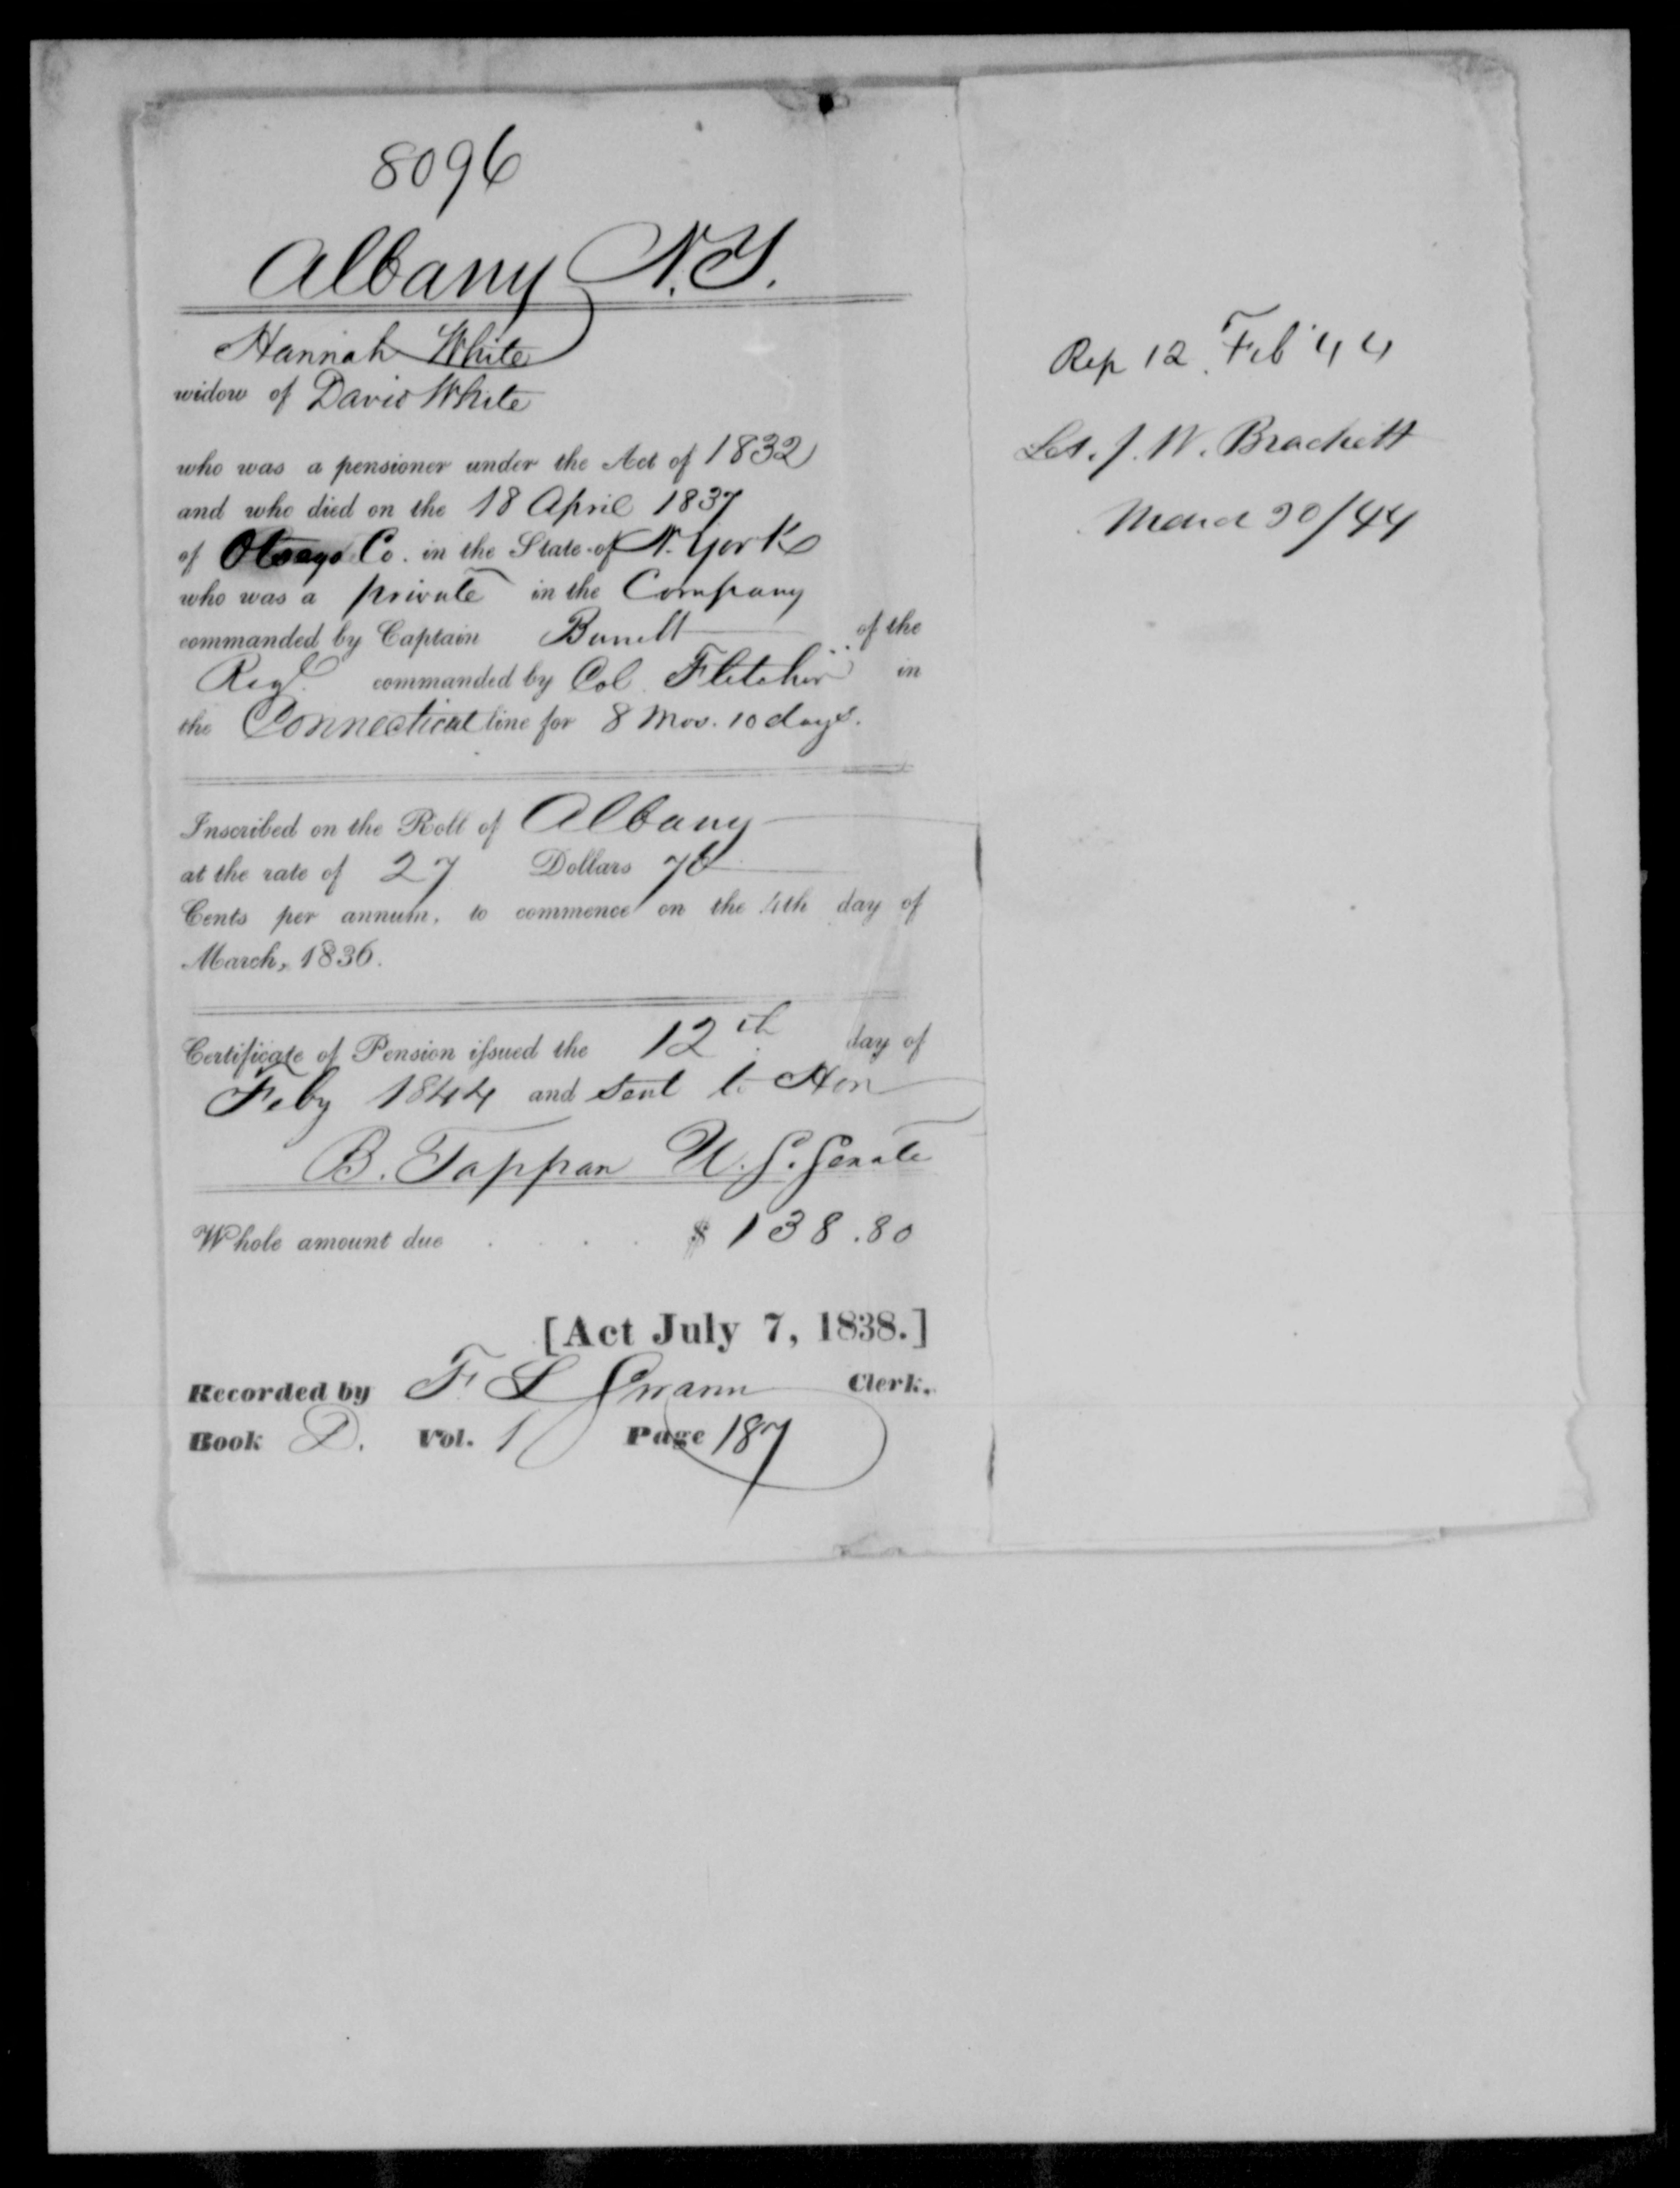8096

Albany N.Y.

Hannah White
widow of David White

who was a pensioner under the Act of 1832 and who died on the 18 April 1837 of Otsego Co. in the State of N. York who was a private in the Company Commanded by Captain Burrell of the Reg. commanded by Col Fletcher in the Connecticut line for 8 mon. 10 days.

Subscribed on the Roll of Albany at the rate of 27 Dollars and 76 Cents per annum, to commence on the 4th day of March, 1836.

Certificate of Pension issued the 12th day of Feby 1844 and Sent to Hon B Tappan U.S. Senate

Whole amount due .....$138.80

[Act July 7, 1838.]
Recorded by F.L. Swann Clerk.
Book D. Vol 1 Page 187

Rep 12 Feb '44
Les.J.N. Brackett
March 20/44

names: Fletcher, David White, B Tappan, Hannah White, J W Brackett, F L Swann, Bennett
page: 43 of 63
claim: widow's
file: W. 18403, David White, Conn.